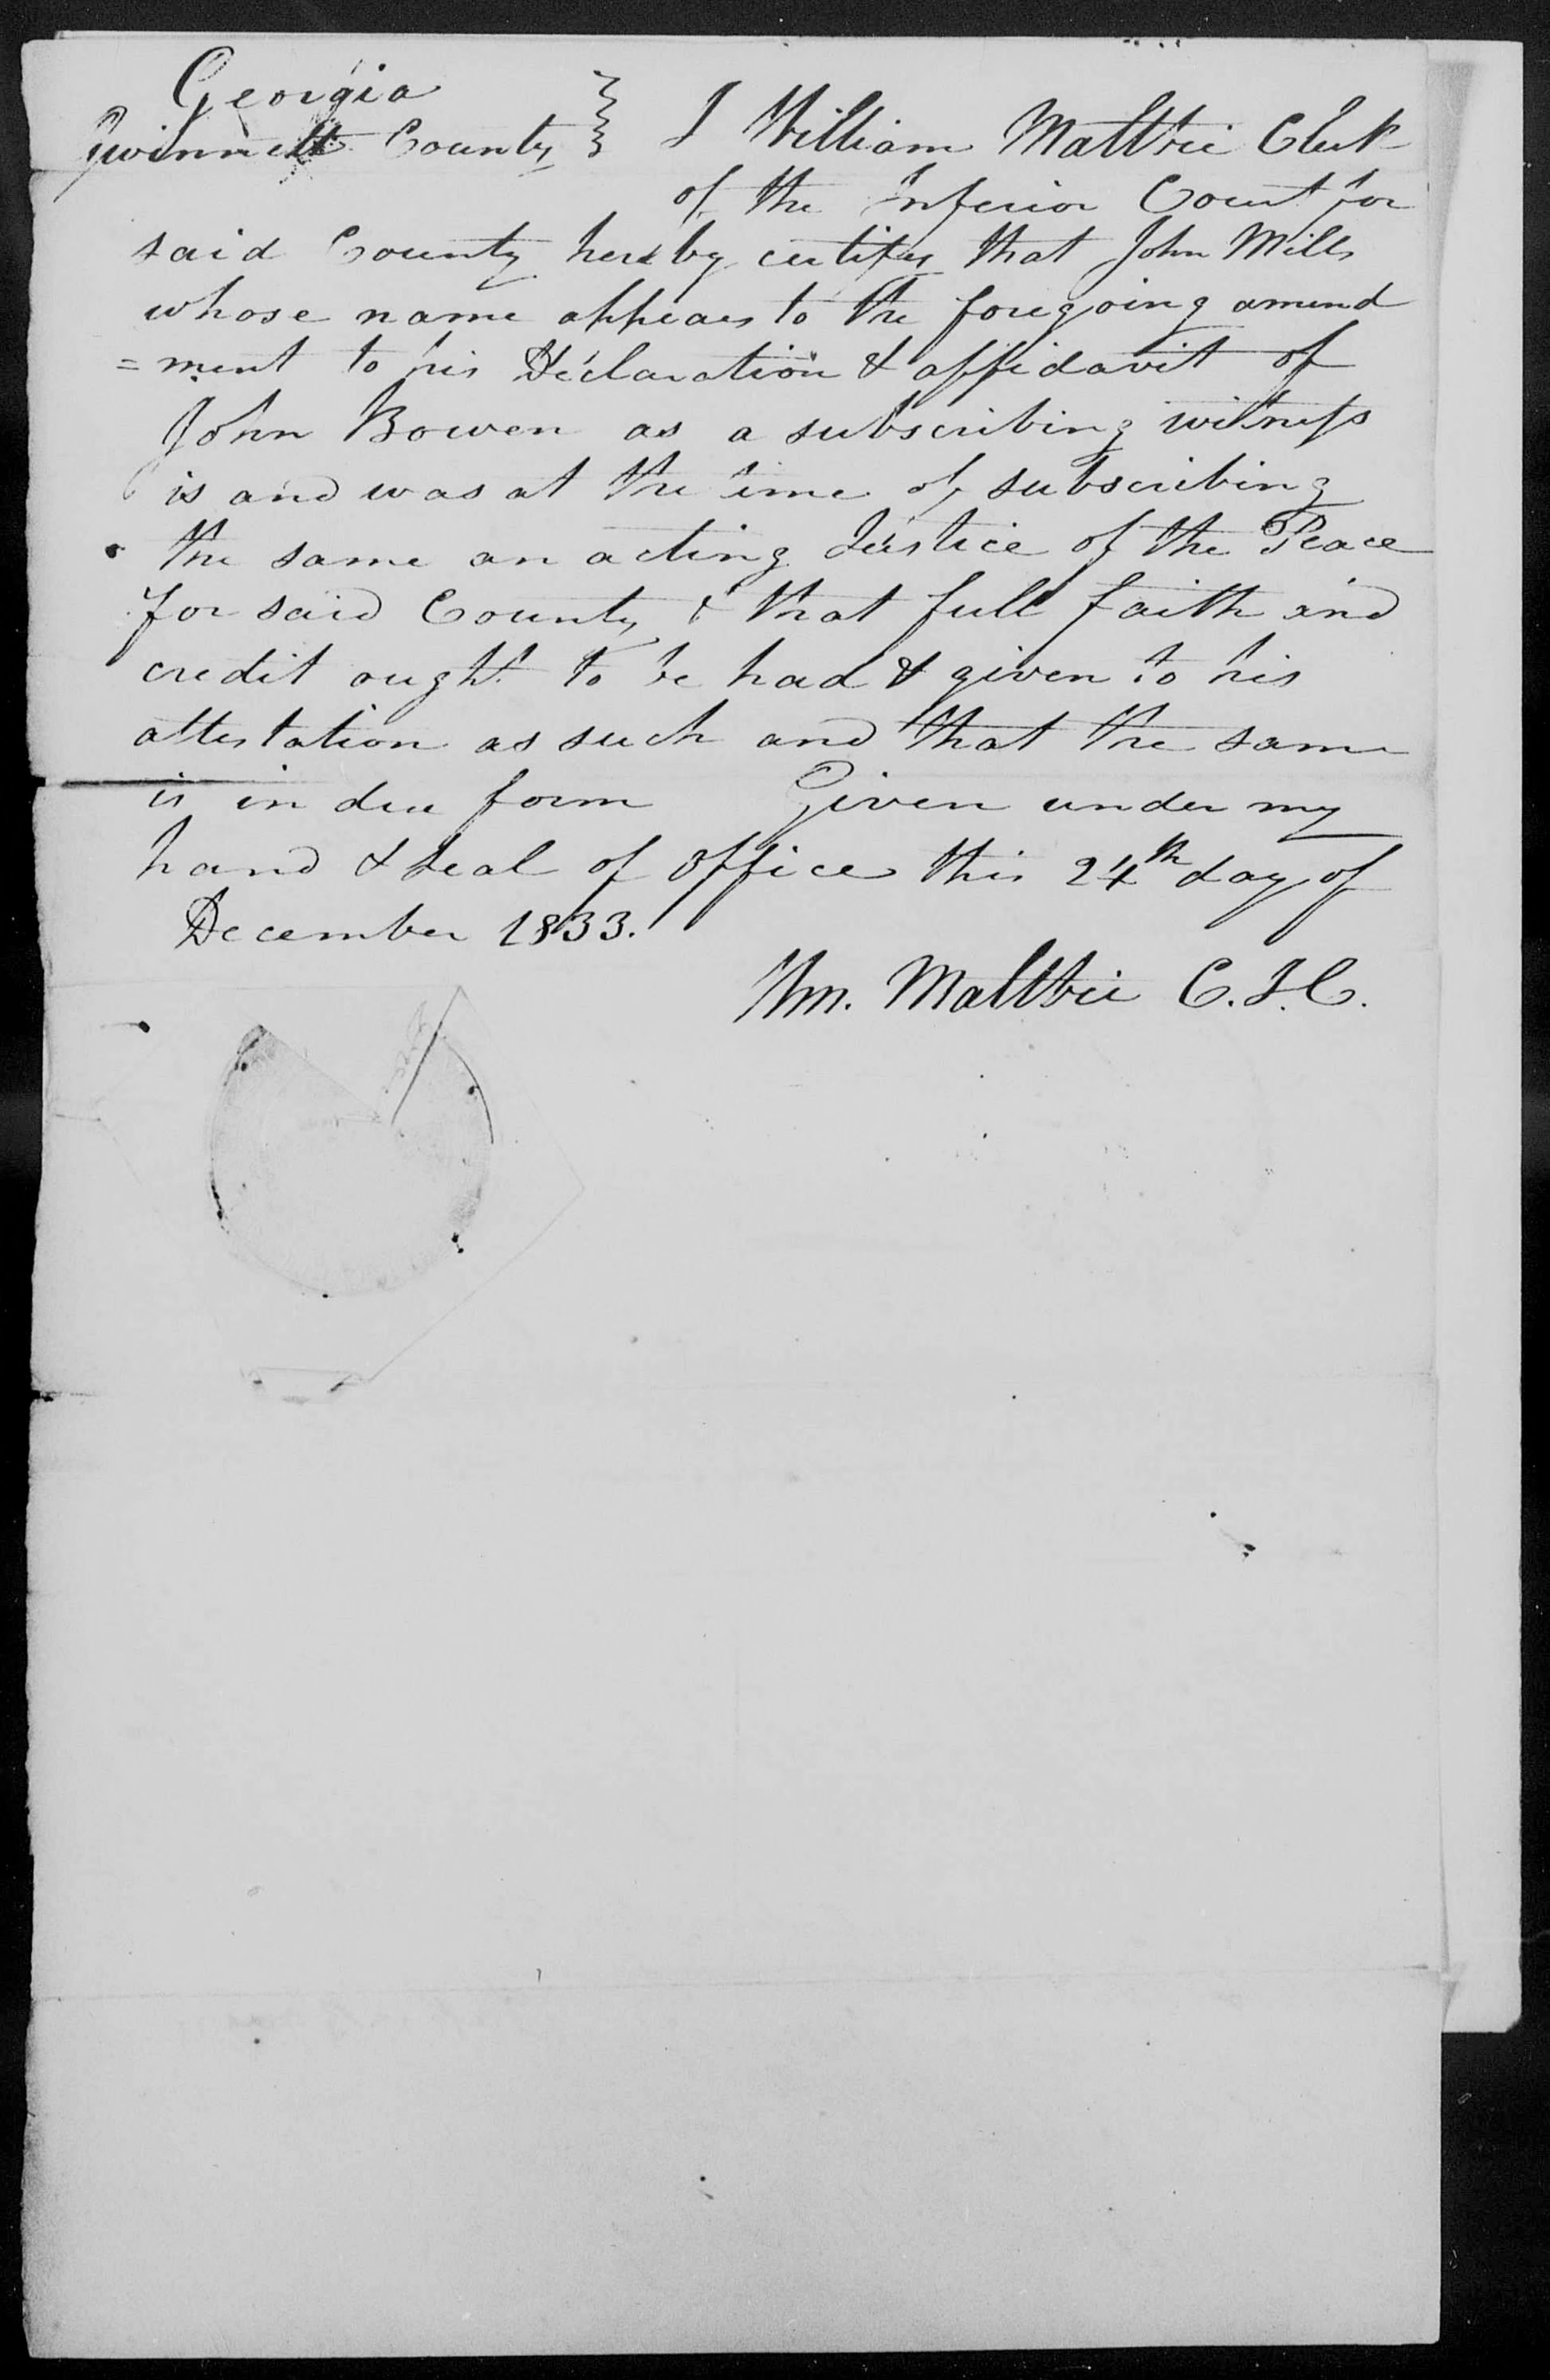Georgia
Gwinnett County

I William Maltbie Clerk said County hereby certify that John Mills whose name appears to the foregoing amendment to his Declaration & affidavit of John Bowen as a subscribing witness is and was at the time of subscribing the same and acting Justice of the Peace for said County, & that full faith and credit ought to be had & given to his attestation as such and that the same in due form given under my hand & seal of office this 24th day of December 1833.

Wm. Maltbie C.J.C.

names: John Bowen, John Mills, William Maltbie, Wm Maltbie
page: 8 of 20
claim: survivor's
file: S. 32,124, John Bowen, Va.